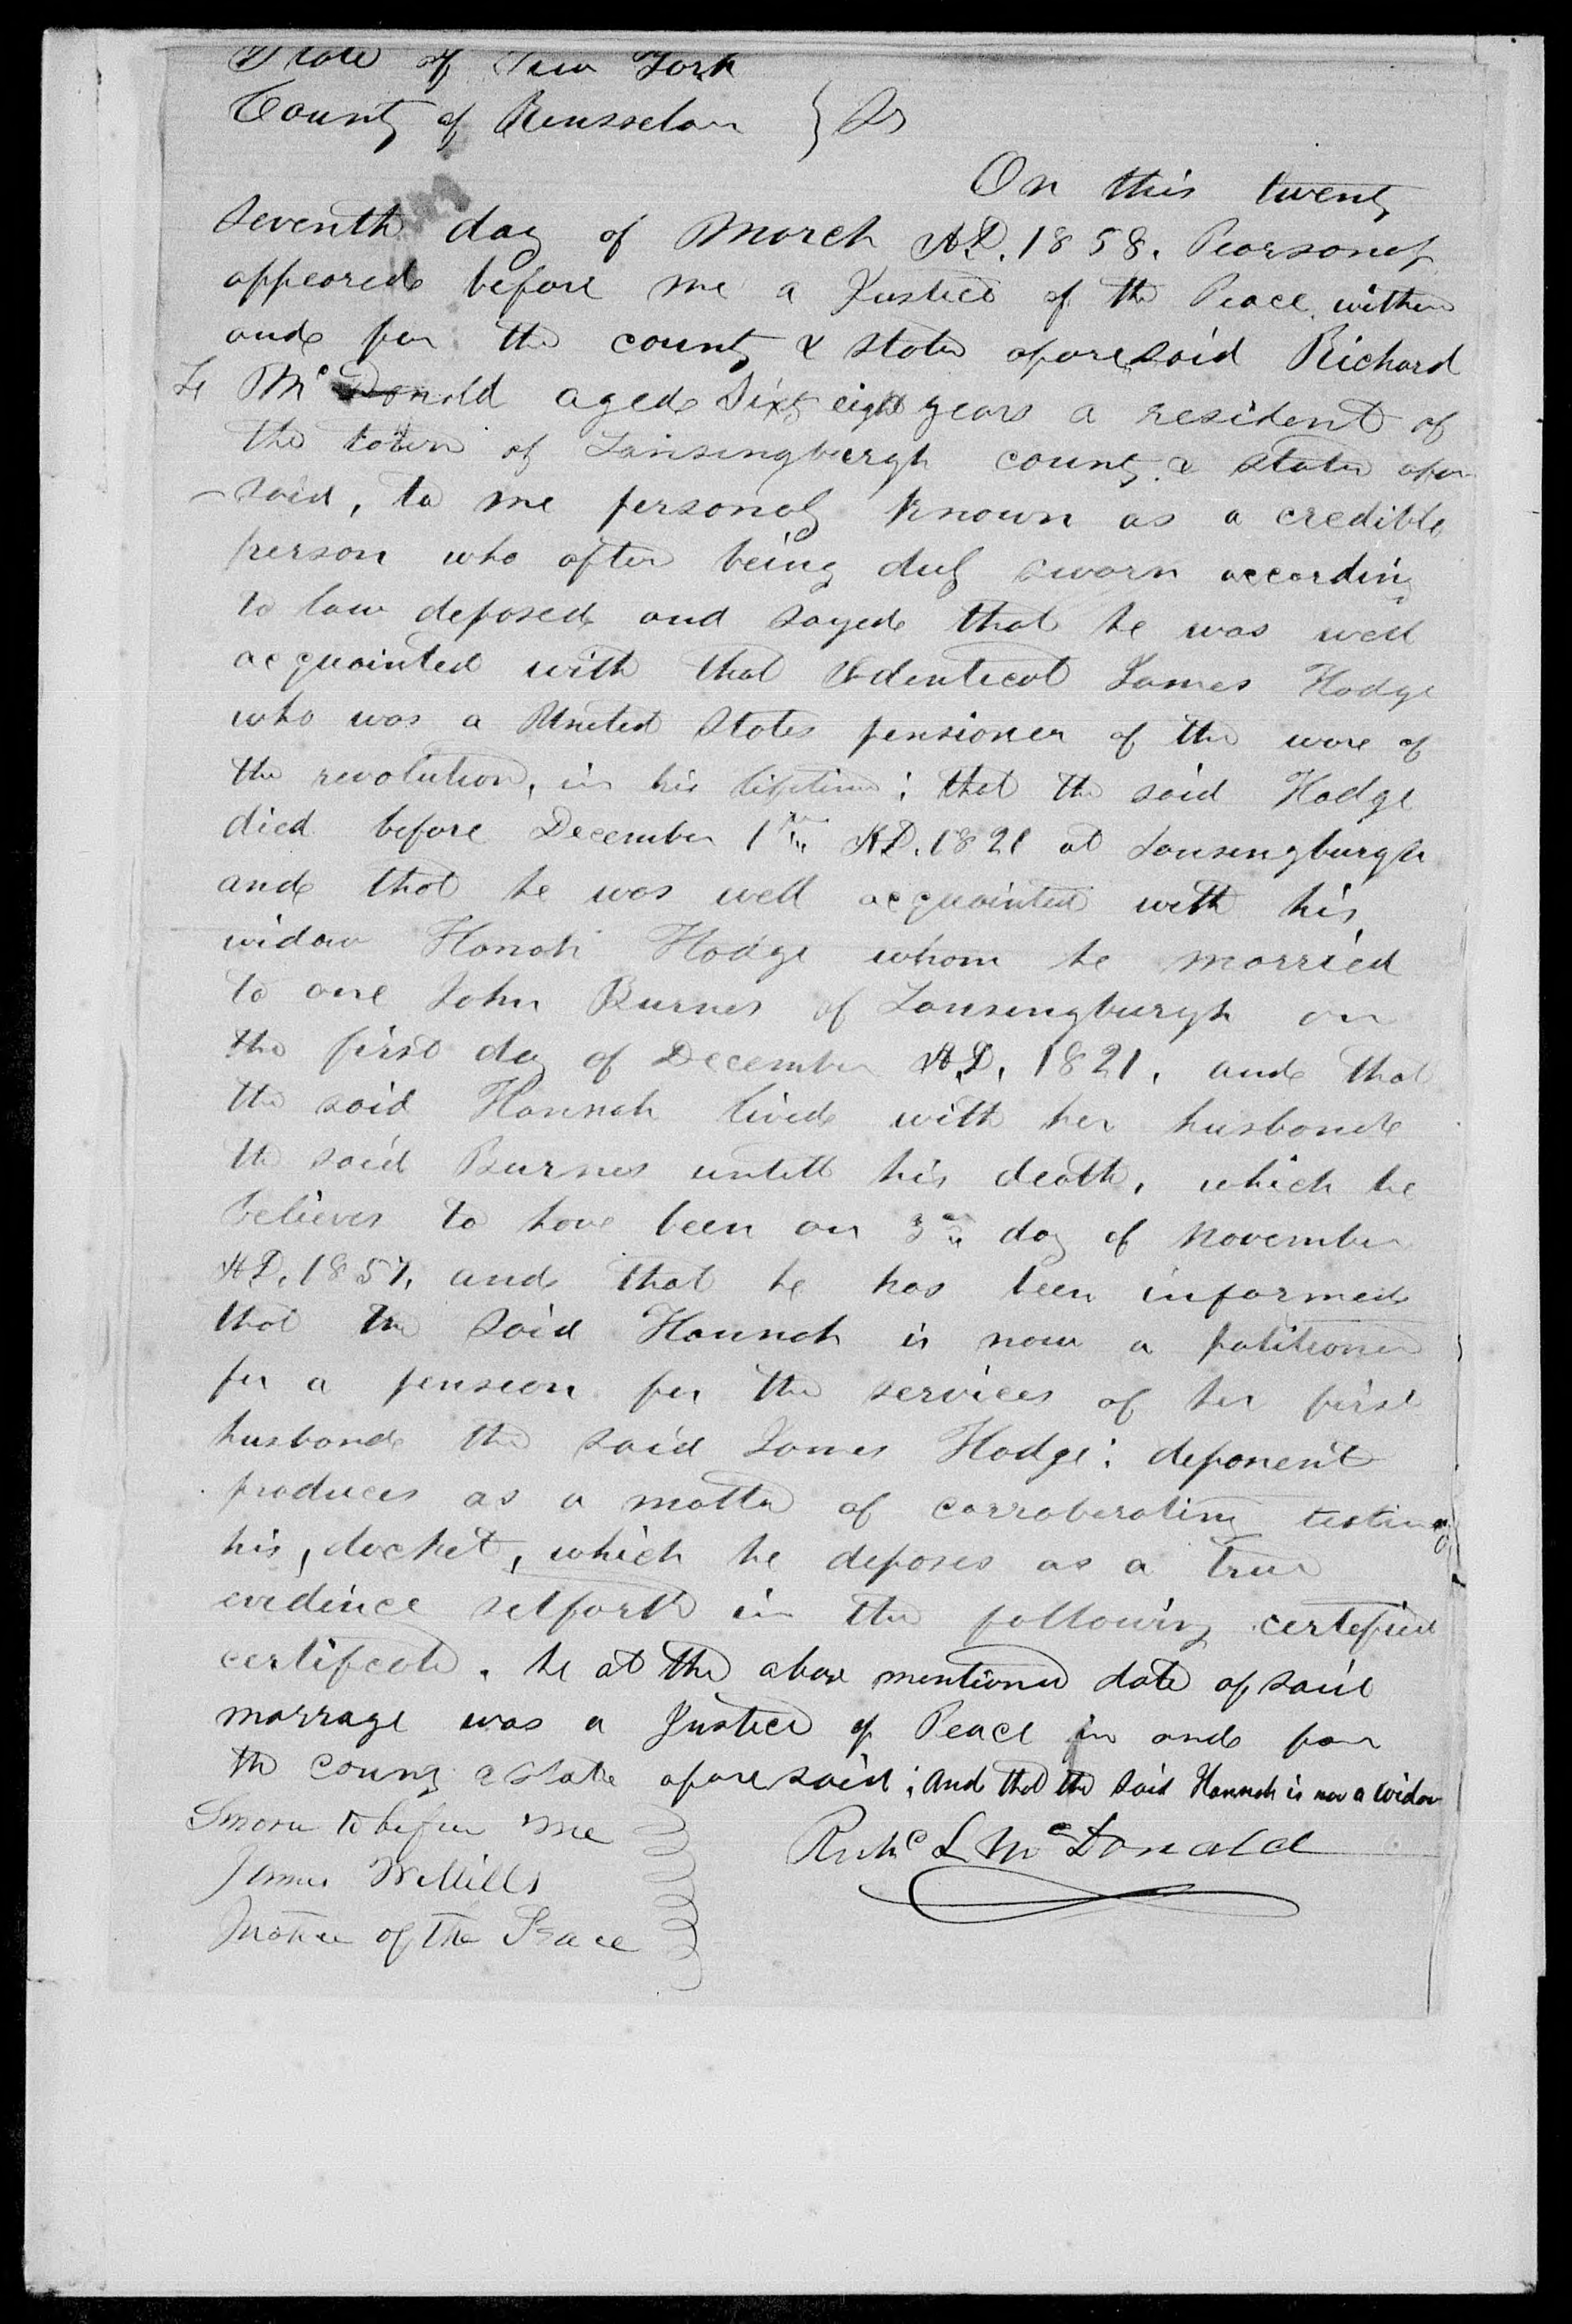State of New York
County of Rennselaer, ss
On this twenty seventh day of March A.D. 1858, personally appear before me a Justice of the Peace within and for the county+state aforesaid Richard L McDonald, aged sixty-eight years a resident of the town of Lansingburgh county + state aforesaid, to me personally known as a credible person who after being duly sworn according to law deposed and sayed(?) that he was well acquainted with that identical James Hodge who was a United States pensionerof the war of the revolution in his lifetime; that he said Hodge died before December 1, A.D. 1921, at Lansingburgh and that he was well acquainted with his widow Hannah Hodge whom he married to one John Burnes of Lansingburgh on the first day of December A.D. 1821, and that he said Hannah lived with her husband the said Burnes until his death which he believed to have been on the (illegible) day of November A.D. 1851 and that he has been informed that the said Hannah is now a petitioner for a pension for the services of her first husband the said James Hodge; deponent produces as a matter of corrobarating testing his docket which he deposes as a true evidence set forth in the following (illegible) certificate.  He at the abovementioned date of said marriage was a justice of peace for and from the county + state aforesaid and that the said Hannah is now a widow.  
Sworn to + before me
James W. Mills
Justice of the Peace
Richd L McDonald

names: Burnes, Hannah, Hodge, James Hodge, Richard L Mc Donald, Hannah, Richd L Mc Donald, John Burnes, Hanah Hodge, James W Mills, James Hodge, Hannah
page: 41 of 48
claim: widow's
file: W. 10476, James Hodge, New York